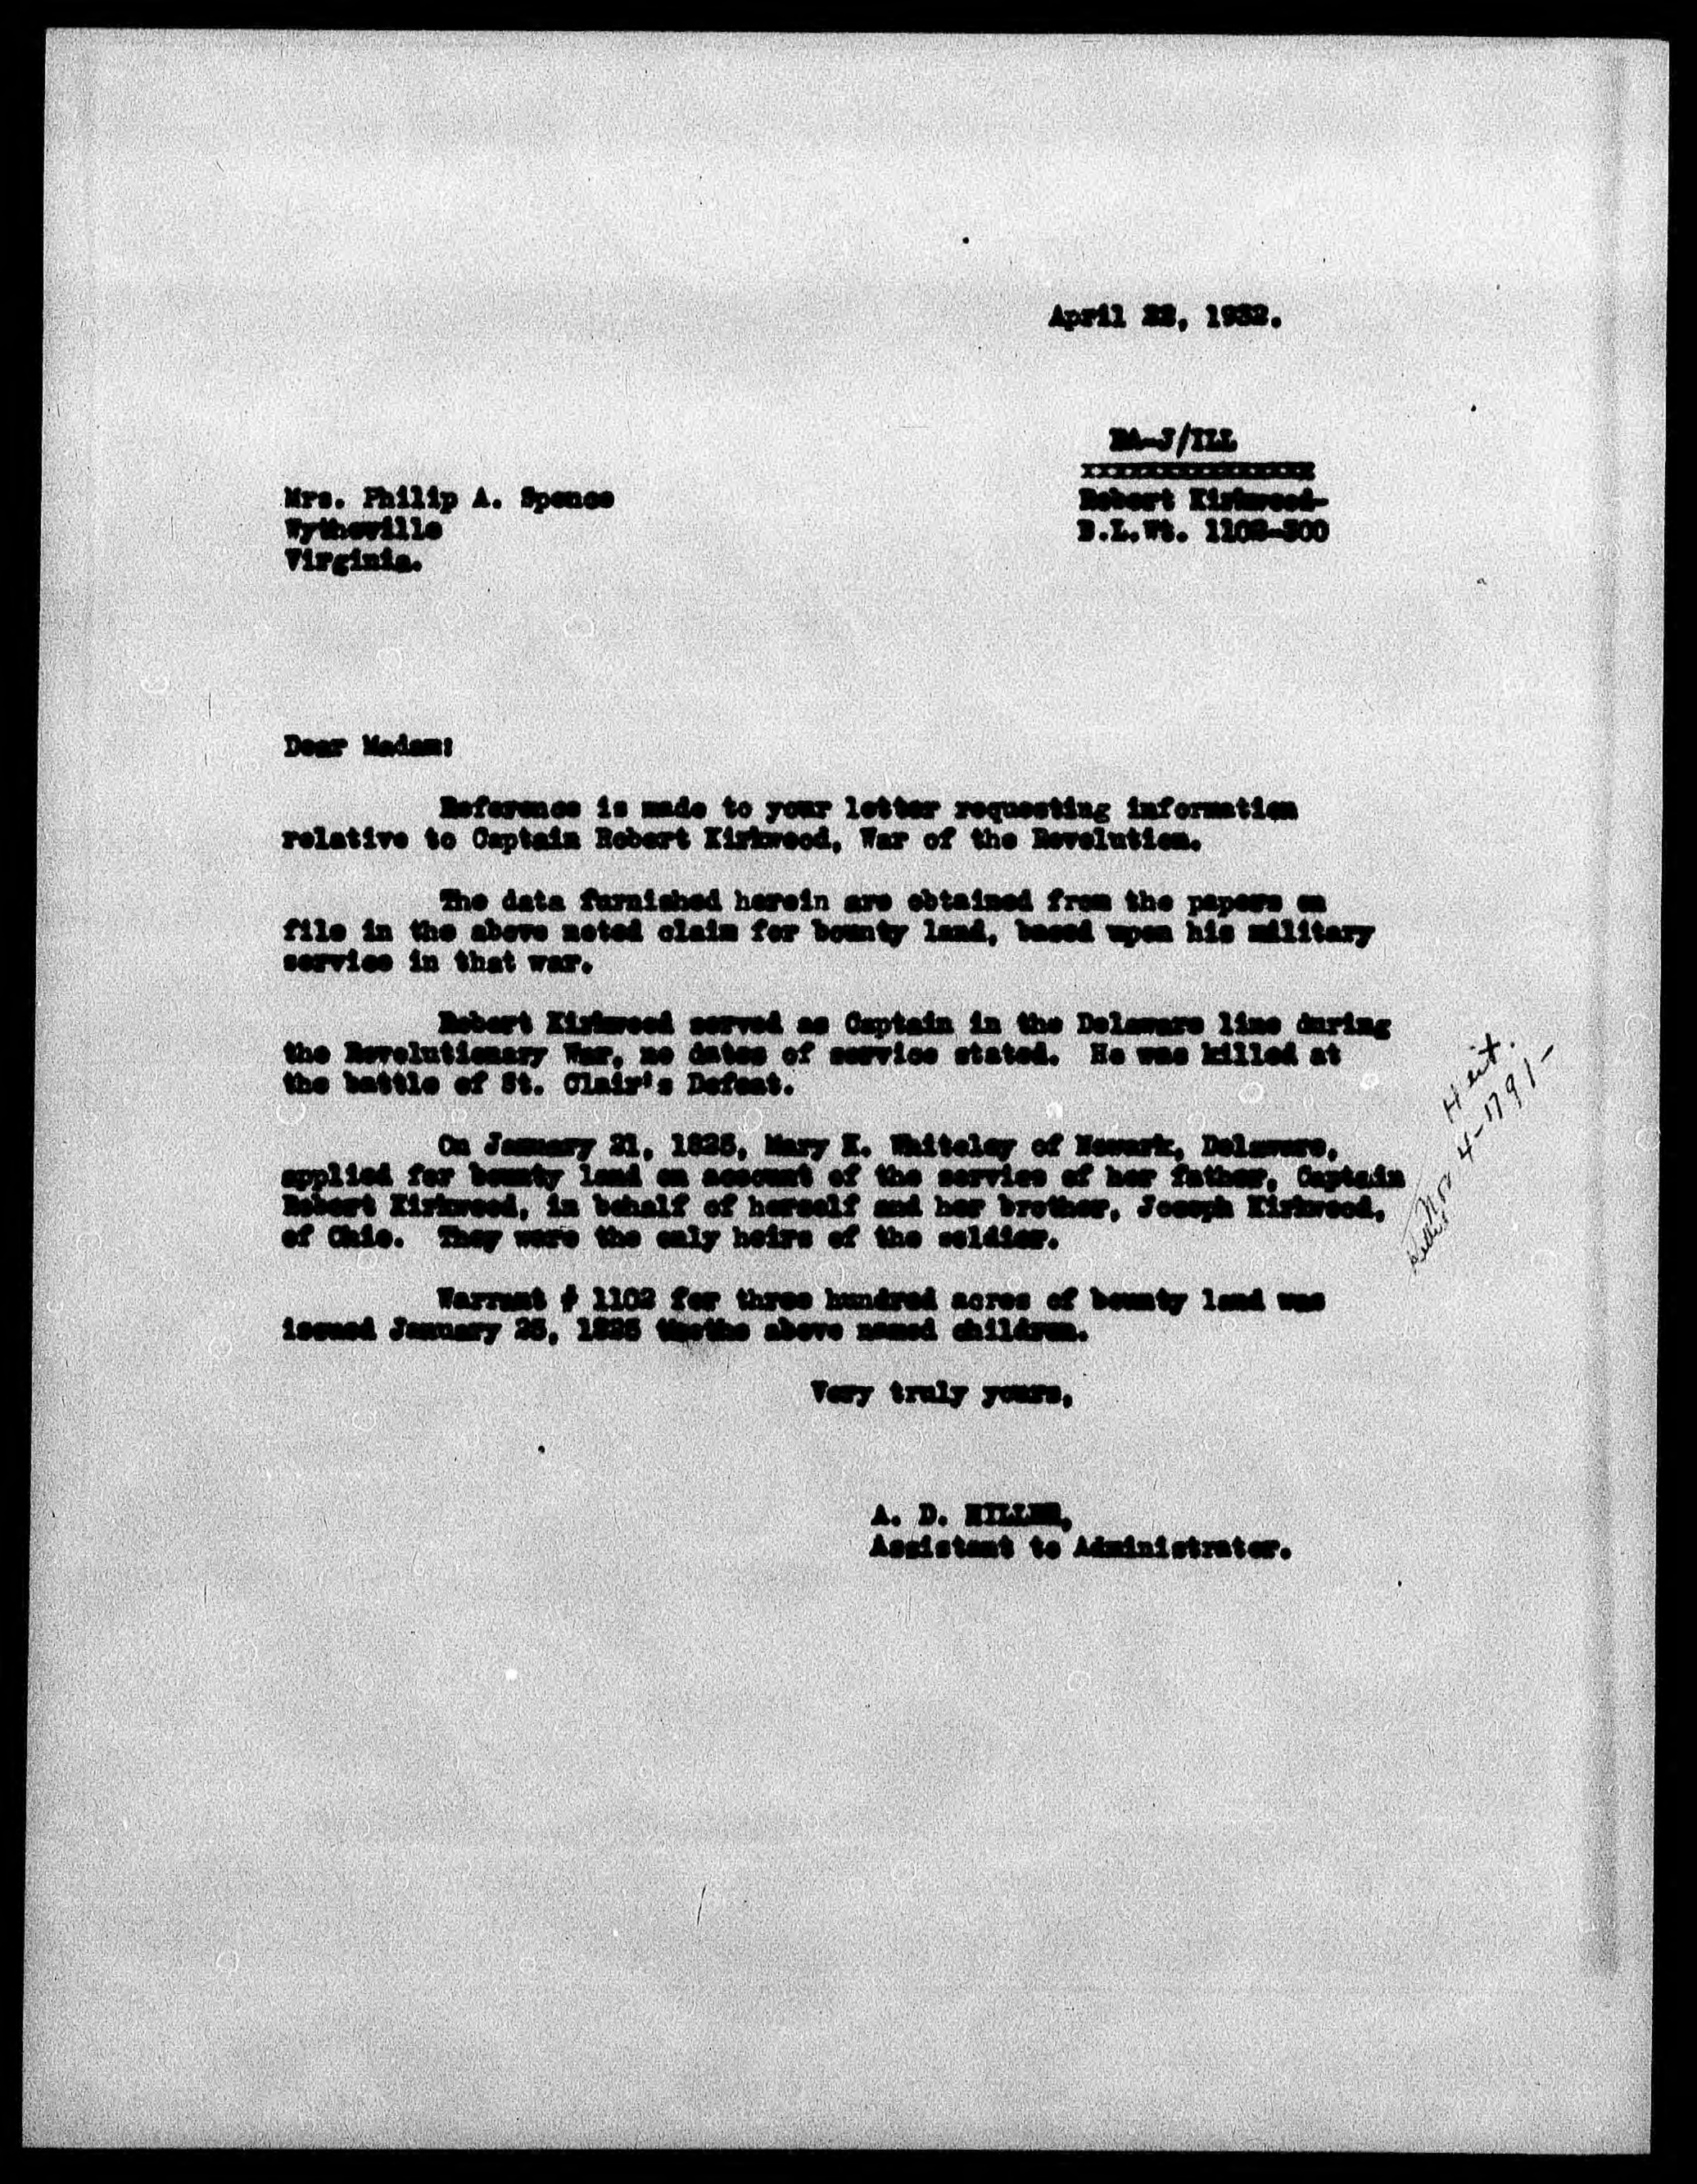April 23, 1932,
[illegible] -J/Ill
xxxxxxxx
Robert Kirkwood
B.L.Wt, 1102-300
Mrs. Philip A. Spence
Wytheville,
Virginia.
Dear Madam:
Reference is made to your letter requesting information
relative to Captain Robert Kirkwood, War of the Revolution.
The data furnished herein are obtained from the papers on
file in the above noted claim for bounty land, based on his military
service in that war.
Robert Kirkwood served as Captain in the Delaware line during
the Revolutionary War, no dates of service stated. He was killed at 
the battle of St. Clair's Defeat.
On January 21, 1835, Mark E. Whiteley of Newark, Delaware,
applied for bounty land on account of the service of her father, Captain
Robert Kirkwood, in behalf of herself and her brother, Joseph Kirkwood, of Ohio. They were the only heirs of the soldier.
Warrant # 1102 for three hundred acres of bounty land was
issued January 25,1825 for the above named children.
Very truly yours,
A. D. Hiller,
Assistant to Administrator.
[illegible - Nov 4-1791-Hiller is written in the right margin]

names: Joseph Kirkwood; A D Hiller; Robert Kirkwood; Mary K Whiteley; Philip A Spence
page: 19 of 20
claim: bounty land warrant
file: B. L. Wt. 1102-300, for Robert Kirkwood, Delaware